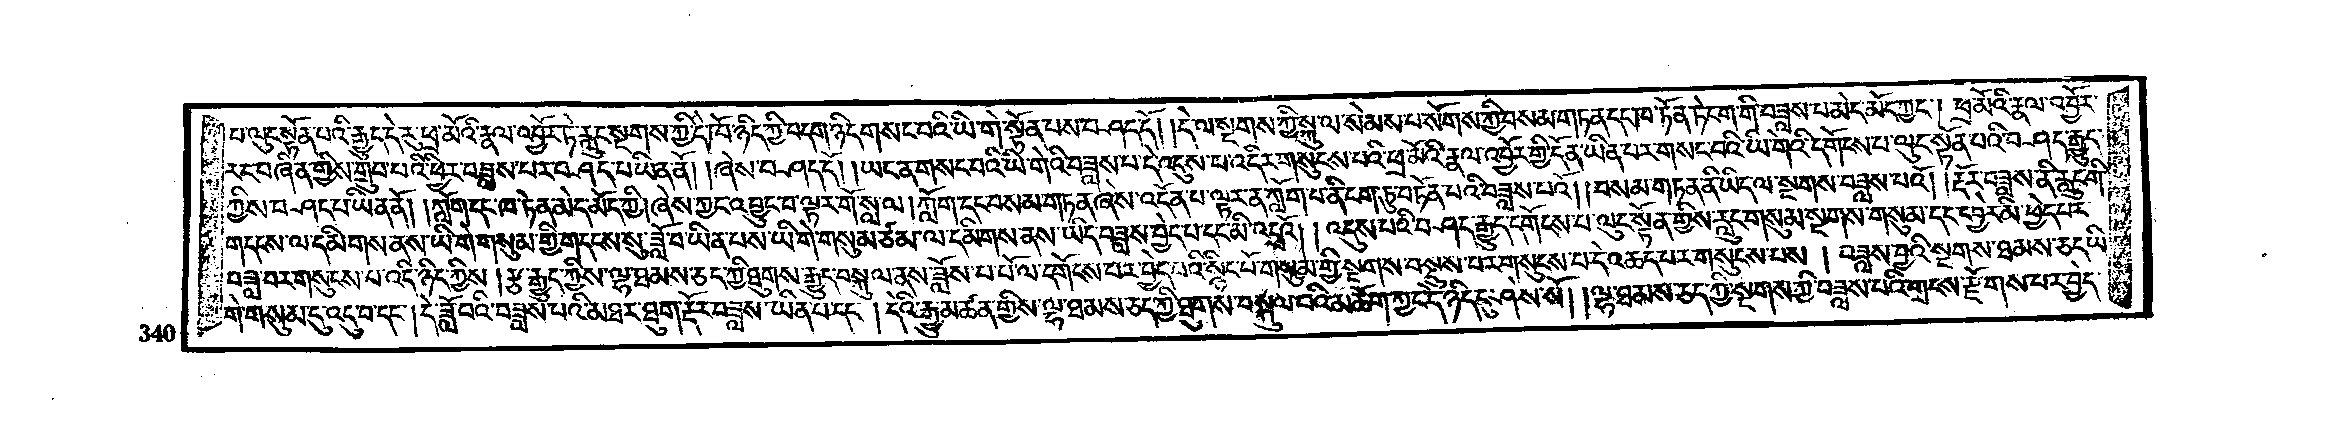པ་ལུང་སྟོན་པའི་རྒྱུད་དེ་རུ་ཕྲ་མོའི་རྣལ་འབྱོར་ཏེ་རླུང་སྔགས་ཀྱི་དེ་ཁོ་ན་ཉིད་ཀྱི་བདག་ཉིད་གསང་བའི་ཡི་གེ་སྟོན་པས་བཤད་དོ། །དེ་ལ་སྔགས་ཀྱི་སྐུ་ལ་སེམས་པ་སོགས་ཀྱི་བསམ་གཏན་དང་ཁ་ཏོན་ཏེ་ངག་གི་བཟླས་པ་མེད་མོད་ཀྱང་། ཕྲ་མོའི་རྣལ་འབྱོར་
རང་བཞིན་གྱིས་གྲུབ་པའི་ཕྱིར་བཟླས་པར་བཤད་པ་ཡིན་ནོ། །ཞེས་བཤད་དོ། །ཡང་ན་གསང་བའི་ཡི་གེའི་བཟླས་པ་དེ་འདུས་པ་འདིར་གསུངས་པའི་ཕྲ་མོའི་རྣལ་འབྱོར་གྱི་དོན་ཡིན་པར་གསང་བའི་ཡི་གེའི་དགོངས་པ་ལུང་སྟོན་པའི་བཤད་རྒྱུད་
ཀྱིས་བཤད་པ་ཡིན་ནོ། །ཀློག་དང་ཁ་ཏོན་མེད་མོད་ཀྱི། ཞེས་ཀྱང་འབྱུང་བ་ལྟར་གོ་སླ་ལ། ཀློག་དང་བསམ་གཏན་ཞེས་འདོན་པ་ལྟར་ན་ཀློག་པ་ནི་ངག་ཏུ་བཏོན་པའི་བཟླས་པའོ། །བསམ་གཏན་ནི་ཡིད་ལ་སྔགས་བཟླས་པའོ། །རྡོར་བཟླས་ནི་རླུང་གི་
གདངས་ལ་དམིགས་ནས་ཡི་གེ་གསུམ་གྱི་གདངས་སུ་ཟློ་བ་ཡིན་པས་ཡི་གེ་གསུམ་ཙམ་ལ་དམིགས་ནས་ཡིད་བཟླས་བྱེད་པ་དང་མི་འདྲའོ། །འདུས་པའི་བཤད་རྒྱུད་དགོངས་པ་ལུང་སྟོན་གྱིས་རླུང་གསུམ་སྔགས་གསུམ་དང་དབྱེར་མི་ཕྱེད་པར་
བཟླ་བར་གསུངས་པ་འདི་ཉིད་ཀྱིས། རྩ་རྒྱུད་ཀྱིས་ལྷ་ཐམས་ཅད་ཀྱི་ཐུགས་རྒྱུད་བསྐུལ་ནས་ཟློས་པ་པོ་ལ་དགོངས་པར་བྱེད་པའི་སྙིང་པོ་གསུམ་གྱི་སྔགས་བསྡུས་པར་གསུངས་པ་དེ་འཆད་པར་གསུངས་པས། བཟླས་བྱའི་སྔགས་ཐམས་ཅད་ཡི་
གེ་གསུམ་དུ་འདུ་བ་དང་། དེ་ཟློ་བའི་བཟླས་པའི་མཐར་ཐུག་རྡོར་བཟླས་ཡིན་པ་དང་། དེའི་རྒྱུ་མཚན་གྱིས་ལྷ་ཐམས་ཅད་ཀྱི་ཐུགས་བསྐུལ་བའི་མཆོག་ཀྱང་དེ་ཉིད་དུ་ཤེས་སོ། །ལྷ་ཐམས་ཅད་ཀྱི་སྔགས་ཀྱི་བཟླས་པའི་གྲངས་རྫོགས་པར་བྱེད་